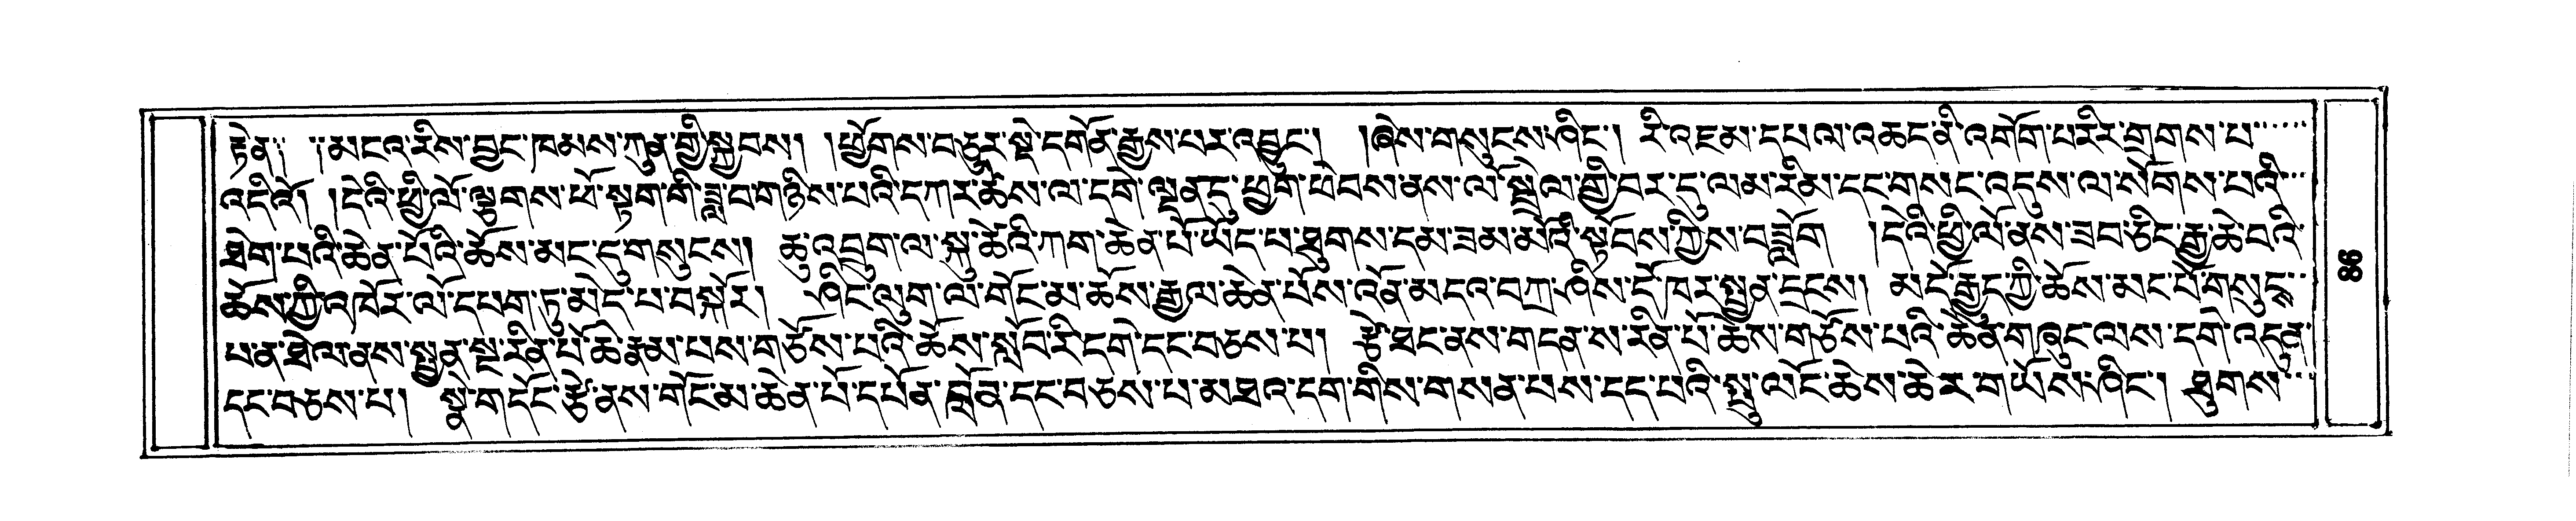རྟེན༑ ༑མངའ་རིས་བྱང་ཁམས་ཀུན་གྱི་སྐྱབས། །ཕྱོགས་བཅུར་སྡེ་དགོན་རྒྱས་པར་འབྱུང་། །ཞེས་གསུངས་ཤིང་། རི་འཇམ་དཔལ་འཆད་ནི་འགོག་པ་རིར་གྲགས་པ་
འདིའོ། །དེའི་ཕྱི་ལོ་ལྕགས་ཕོ་སྟག་གི་ཟླ་བ་གཉིས་པའི་དཀར་ཚེས་ལ་དགེ་ལྡན་དུ་ཕྱག་ཕེབས་ནས་ལོ་སྦྲེལ་གྱི་བར་དུ་ལམ་རིམ་དང་གསང་འདུས་ལ་སོགས་པའི་
ཐེག་པའི་ཆེན་པོའི་ཆོས་མང་དུ་གསུངས། ཆུ་འབྲུག་ལ་སྐུ་ཚེའི་ཀག་ཆེན་པོ་ཡོད་པ་ཐུགས་དམ་ཟམ་མོའི་སྟོབས་ཀྱིས་བཟློག །དེའི་ཕྱི་ལོ་ནས་ཟབ་ཅིང་རྒྱ་ཆེ་བའི་
ཆོས་ཀྱི་འཁོར་ལོ་དཔག་ཏུ་མེད་པ་བསྐོར། ཤིང་ལུག་ལ་གོང་མ་ཆོས་རྒྱལ་ཆེན་པོས་འོན་མདའ་བཀྲ་ཤིས་དོ་ཁར་སྤྱན་དྲངས། མདོ་རྒྱད་ཀྱི་ཆོས་མང་པོ་གསུངས་
པ་ན་ཐེལ་ནས་སྤྱན་སྔ་རིན་པོ་ཆེ་རྣམ་པས་གཙོས་པའི་ཆོས་སློབ་རི་དགེ་དང་བཅས་པ། རྩེ་ཐང་ནས་གདན་ས་རིན་པོ་ཆེས་གཙོས་པའི་ཆེན་གཞུང་ལས་དགེ་འདུན་
དང་བཅས་པ། སྣེ་གདོང་རྩེ་ནས་གོང་མ་ཆེན་པོ་དཔོན་བློན་དང་བཅས་པ་མཐའ་དག་གིས་གསན་པས་དད་པའི་སྤུ་ལོང་ཆེས་ཆེར་གཡོས་ཤིང་། ཐུགས་